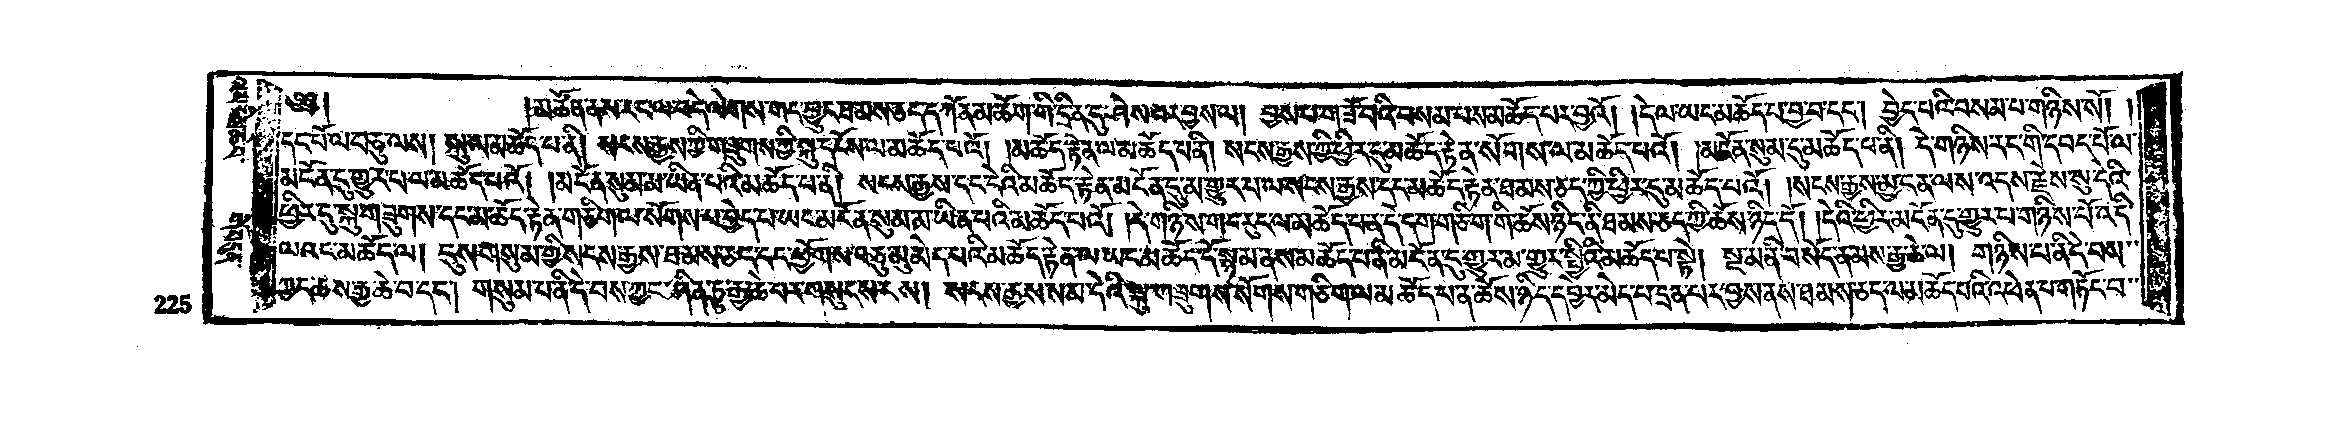༄༅། །མཚོན་ནས་རང་ལ་བདེ་ལེགས་གང་བྱུང་ཐམས་ཅད་དཀོན་མཆོག་གི་དྲིན་དུ་ཤེས་པར་བྱས་ལ། བྱས་པ་གཟོ་བའི་བསམ་པས་མཆོད་པར་བྱའོ། །དེ་ལ་ཡང་མཆོད་པ་བྱ་བ་དང་། བྱེད་པའི་བསམ་པ་གཉིས་སོ། །
དང་པོ་ལ་བཅུ་ལས། སྐུ་ལ་མཆོད་པ་ནི། སངས་རྒྱས་ཀྱི་གཟུགས་ཀྱི་སྐུ་དངོས་ལ་མཆོད་པའོ། །མཆོད་རྟེན་ལ་མཆོད་པ་ནི། སངས་རྒྱས་ཀྱི་ཕྱིར་དུ་མཆོད་རྟེན་སོགས་ལ་མཆོད་པའོ། །མངོན་སུམ་དུ་མཆོད་པ་ནི། དེ་གཉིས་རང་གི་དབང་པོ་ལ་
མངོན་དུ་གྱུར་པ་ལ་མཆོད་པའོ། །མངོན་སུམ་མ་ཡིན་པའི་མཆོད་པ་ནི། སངས་རྒྱས་དང་དེའི་མཆོད་རྟེན་མངོན་དུ་མ་གྱུར་པ་ལ་སངས་རྒྱས་དང་མཆོད་རྟེན་ཐམས་ཅད་ཀྱི་ཕྱིར་དུ་མཆོད་པའོ། །སངས་རྒྱས་མྱ་ངན་ལས་འདས་རྗེས་སུ་དེའི་
ཕྱིར་དུ་སྐུ་གཟུགས་དང་མཆོད་རྟེན་གཅིག་ལ་སོགས་པ་བྱེད་པ་ཡང་མངོན་སུམ་མ་ཡིན་པའི་མཆོད་པའོ། །དེ་གཉིས་གང་རུང་ལ་མཆོད་པ་ན་དེ་དག་གཅིག་གི་ཆོས་ཉིད་ནི་ཐམས་ཅད་ཀྱི་ཆོས་ཉིད་དོ། །དེའི་ཕྱིར་མངོན་དུ་གྱུར་པ་གཉིས་པོ་འདི་
ལའང་མཆོད་ལ། དུས་གསུམ་གྱི་སངས་རྒྱས་ཐམས་ཅད་དང་ཕྱོགས་བཅུ་མུ་མེད་པའི་མཆོད་རྟེན་ལ་ཡང་མཆོད་དོ་སྙམ་ནས་མཆོད་པ་ནི་མངོན་དུ་གྱུར་མ་གྱུར་སྤྱིའི་མཆོད་པ་སྟེ། སྔ་མ་ནི་བསོད་ནམས་རྒྱ་ཆེ་ལ། གཉིས་པ་ནི་དེ་བས་
ཀྱང་ཆེས་རྒྱ་ཆེ་བ་དང་། གསུམ་པ་ནི་དེ་བས་ཀྱང་ཤིན་ཏུ་རྒྱ་ཆེ་བར་གསུངས་པས། སངས་རྒྱས་སམ་དེའི་སྐུ་གཟུགས་སོགས་གཅིག་ལ་མཆོད་པ་ན་ཆོས་ཉིད་དབྱེར་མེད་པ་དྲན་པར་བྱས་ནས་ཐམས་ཅད་ལ་མཆོད་པའི་འཕེན་པ་གཏོང་བ་